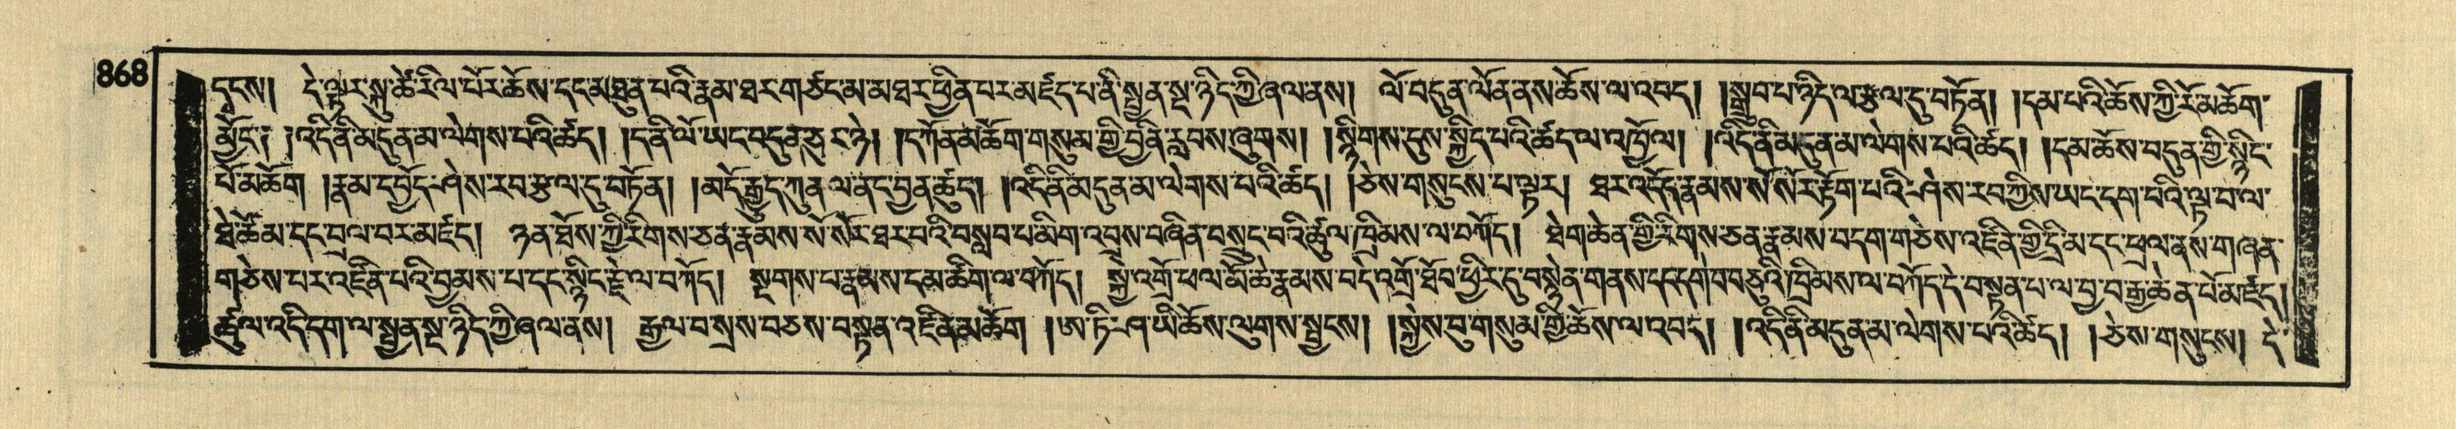དྭངས། དེ་ལྟར་སྐུ་ཚེ་རིལ་པོར་ཆོས་དང་མཐུན་པའི་རྣམ་ཐར་གཙང་མ་མཐར་ཕྱིན་པར་མཛད་པ་ནི་སྤྱན་སྔ་ཉིད་ཀྱི་ཞལ་ནས། ལོ་བདུན་ལོ་ནས་ཆོས་ལ་འབད། །སྒྲུབ་པ་ཉིད་ལ་རྩལ་དུ་བཏོན། །དམ་པའི་ཆོས་ཀྱི་རོ་མཆོག་
མྱོང༑ ༑འདི་ནི་མདུན་མ་ལེགས་པའི་ཚད། །ད་ནི་ལོ་ཡང་བདུན་ཅུང་ཉེ། །དཀོན་མཆོག་གསུམ་གྱི་བྱིན་རླབས་ཞུགས། །སྙིགས་དུས་སྐྱིད་པའི་ཚད་ལ་འཁྱོལ། །འདི་ནི་མདུན་མ་ལེགས་པའི་ཚད། །དམ་ཆོས་བདུན་གྱི་སྙིང་
པོ་མཆོག །རྣམ་དཔྱོད་ཤེས་རབ་རྩལ་དུ་བཏོན། །མདོ་རྒྱུད་ཀུན་ལ་ནང་བྱང་ཚུད། །འདི་ནི་མདུན་མ་ལེགས་པའི་ཚད། །ཅེས་གསུངས་པ་ལྟར། ཐར་འདོད་རྣམས་སོ་སོར་རྟོག་པའི་ཤེས་རབ་ཀྱིས་ཡང་དག་པའི་ལྟ་བ་ལ་
ཐེ་ཚོམ་དང་བྲལ་བར་མཛད། ཉན་ཐོས་ཀྱི་རིགས་ཅན་རྣམས་སོ་སོར་ཐར་བའི་བསླབ་པ་མིག་འབྲས་བཞིན་བསྲུང་བའི་ཚུལ་ཁྲིམས་ལ་བཀོད། ཐེག་ཆེན་གྱི་རིགས་ཅན་རྣམས་བདག་གཅེས་འཛིན་གྱི་དྲི་མ་དང་ཕྲལ་ནས་གཞན་
གཅེས་པར་འཛིན་པའི་བྱམས་པ་དང་སྙིང་རྗེ་ལ་བཀོད། སྔགས་པ་རྣམས་དམ་ཚིག་ལ་བཀོད། སྐྱེ་འགྲོ་ཕལ་མོ་ཆེ་རྣམས་བདེ་འགྲོ་ཐོབ་ཕྱིར་དུ་བསྙེན་གནས་དང་དགེ་བ་བཅུའི་ཁྲིམས་ལ་བཀོད་དེ་བསྟན་པ་ལ་བྱ་བ་རྒྱ་ཆེན་པོ་མཛད།
ཚུལ་འདི་དག་ལ་སྤྱན་སྔ་ཉིད་ཀྱི་ཞལ་ནས། རྒྱལ་བ་སྲས་བཅས་བསྟན་འཛིན་མཆོག །ཨ་ཏི་ཤ་ཡི་ཆོས་ལུགས་སྦྱངས། །སྐྱེས་བུ་གསུམ་གྱི་ཆོས་ལ་འབད། །འདི་ནི་མདུན་མ་ལེགས་པའི་ཚད། །ཅེས་གསུངས། དེ་